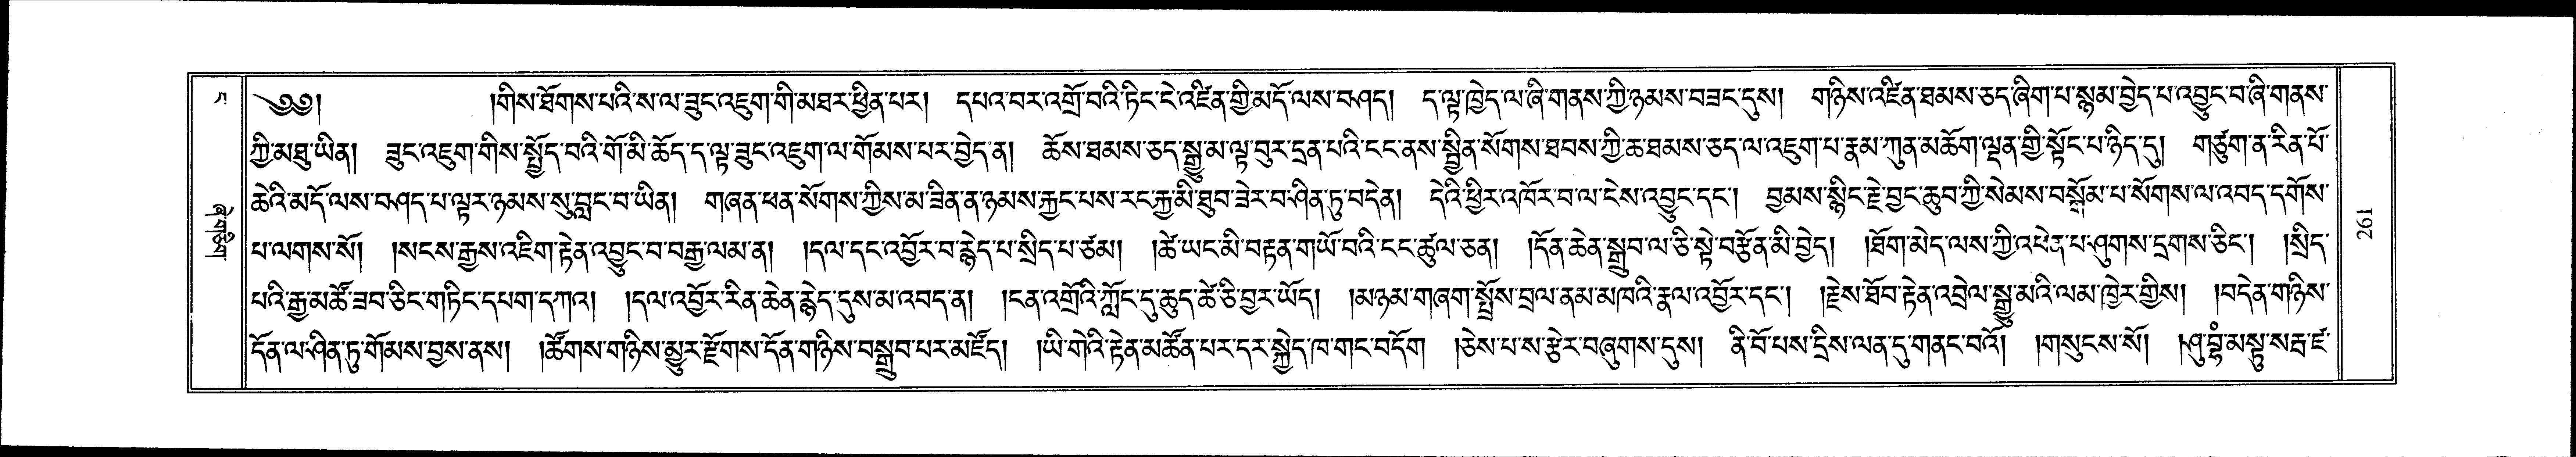༄༅། །གིས་ཐོགས་པའི་ས་ལ་ཟུང་འཇུག་གི་མཐར་ཕྱིན་པར། དཔའ་བར་འགྲོ་བའི་ཏིང་ངེ་འཛིན་གྱི་མདོ་ལས་བཤད། ད་ལྟ་ཁྱེད་ལ་ཞི་གནས་ཀྱི་ཉམས་བཟང་དུས། གཉིས་འཛིན་ཐམས་ཅད་ཞིག་པ་སྙམ་བྱེད་པ་འབྱུང་བ་ཞི་གནས་
ཀྱི་མཐུ་ཡིན། ཟུང་འཇུག་གིས་སྤྱོད་བའི་གོ་མི་ཆོད་ད་ལྟ་ཟུང་འཇུག་ལ་གོམས་པར་བྱེད་ན། ཆོས་ཐམས་ཅད་སྒྱུ་མ་ལྟ་བུར་དྲན་པའི་ངང་ནས་སྦྱིན་སོགས་ཐབས་ཀྱི་ཆ་ཐམས་ཅད་ལ་འཇུག་པ་རྣམ་ཀུན་མཆོག་ལྡན་གྱི་སྟོང་པ་ཉིད་དུ། གཙུག་ན་རིན་པོ་
ཆེའི་མདོ་ལས་བཤད་པ་ལྟར་ཉམས་སུ་བླང་བ་ཡིན། གཞན་ཕན་སོགས་ཀྱིས་མ་ཟིན་ན་ཉམས་རྐྱང་པས་རང་རྐྱ་མི་ཐུབ་ཟེར་བ་ཤིན་ཏུ་བདེན། དེའི་ཕྱིར་འཁོར་བ་ལ་ངེས་འབྱུང་དང་། བྱམས་སྙིང་རྗེ་བྱང་ཆུབ་ཀྱི་སེམས་བསྒོམ་པ་སོགས་ལ་འབད་དགོས་
པ་ལགས་སོ། །སངས་རྒྱས་འཇིག་རྟེན་འབྱུང་བ་བརྒྱ་ལམ་ན། །དལ་དང་འབྱོར་བ་རྙེད་པ་སྲིད་པ་ཙམ། །ཚེ་ཡང་མི་བརྟན་གཡོ་བའི་ངང་ཚུལ་ཅན། །དོན་ཆེན་སྒྲུབ་ལ་ཅི་སྟེ་བརྩོན་མི་བྱེད། །ཐོག་མེད་ལས་ཀྱི་འཕེན་པ་ཤུགས་དྲགས་ཅིང་། །སྲིད་
པའི་རྒྱ་མཚོ་ཟབ་ཅིང་གཏིང་དཔག་དཀའ། །དལ་འབྱོར་རིན་ཆེན་རྙེད་དུས་མ་འབད་ན། །ངན་འགྲོའི་ཀློང་དུ་ཆུད་ཚེ་ཅི་བྱར་ཡོད། །མཉམ་གཞག་སྤྲོས་བྲལ་ནམ་མཁའི་རྣལ་འབྱོར་དང་། །རྗེས་ཐོབ་རྟེན་འབྲེལ་སྒྱུ་མའི་ལམ་ཁྱེར་གྱིས། །བདེན་གཉིས་
དོན་ལ་ཤིན་ཏུ་གོམས་བྱས་ནས། །ཚོགས་གཉིས་མྱུར་རྫོགས་དོན་གཉིས་བསྒྲུབ་པར་མཛོད། །ཡི་གེའི་རྟེན་མཚོན་པར་དར་སྐྱེད་ཁ་གང་བདོག །ཅེས་པ་ས་རྩེར་བཞུགས་དུས། ནི་བོ་པས་དྲིས་ལན་དུ་གནང་བའོ། །གསུངས་སོ། །ཤུ་བྷཾ་མསྟུ་སརྦ་ཛ་